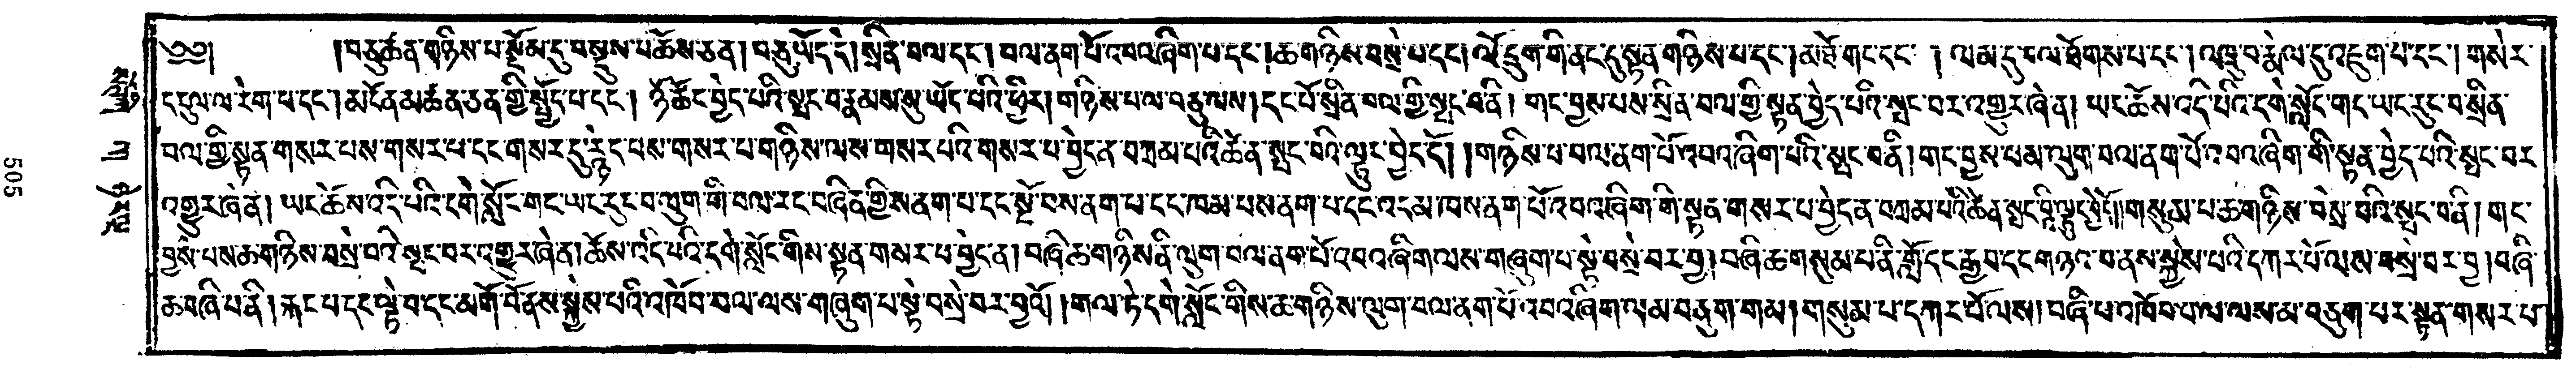༄༅། །བཅུ་ཚན་གཉིས་པ་སྡོམ་དུ་བསྡུས་པ་ཆོས་ཅན། བཅུ་ཡོད་དེ། སྲིན་བལ་དང་། བལ་ནག་པོ་འབའ་ཞིག་པ་དང་། ཆ་གཉིས་བསྲེ་པ་དང་། ལོ་དྲུག་གི་ནང་དུ་སྟན་གཉིས་པ་དང་། མཐོ་གང་དང་། ལམ་དུ་བལ་ཐོགས་པ་དང་། འཁྲུ་བ་རྨེལ་དུ་འཇུག་པ་དང་། གསེར་
དངུལ་ལ་རེག་པ་དང་། མངོན་མཚན་ཅན་གྱི་སྤྱོད་པ་དང་། ཉོ་ཚོང་བྱེད་པའི་སྤང་བ་རྣམས་སུ་ཡོད་པའི་ཕྱིར། གཉིས་པ་ལ་བཅུ་ལས། དང་པོ་སྲིན་བལ་གྱི་སྤང་བ་ནི། གང་བྱས་པས་སྲིན་བལ་གྱི་སྟན་བྱེད་པའི་སྤང་བར་འགྱུར་ཞེ་ན། ཡང་ཆོས་འདི་པའི་དགེ་སློང་གང་ཡང་རུང་བ་སྲིན་
བལ་གྱི་སྟན་གསར་པས་གསར་པ་དང་གསར་དུ་རྙེད་པས་གསར་པ་གཉིས་ལས་གསར་པའི་གསར་པ་བྱེད་ན་བཀྲམ་པའི་ཚེ་ན་སྤང་བའི་ལྟུང་བྱེད་དོ། །གཉིས་པ་བལ་ནག་པོ་འབའ་ཞིག་པའི་སྤང་བ་ནི། གང་བྱས་པམ་ལུག་བལ་ནག་པོ་འབའ་ཞིག་གི་སྟན་བྱེད་པའི་སྤང་བར་
འགྱུར་ཞེ་ན། ཡང་ཆོས་འདི་པའི་དགེ་སློང་གང་ཡང་རུང་བ་ལུག་གི་བལ་རང་བཞིན་གྱིས་ནག་པ་དང་སྔོ་བས་ནག་པ་དང་ཁམ་པས་ནག་པ་དང་འདམ་ཁས་ནག་པོ་འབའ་ཞིག་གི་སྟན་གསར་པ་བྱེད་ན་བཀྲམ་པའི་ཚེ་ན་སྤང་བཱི་ལྟུང་བྱེད་དོ། །གསུམ་པ་ཆ་གཉིས་བསྲེ་བའི་སྤང་བ་ནི། གང་
བྱས་པས་ཆ་གཉིས་བསྲེ་བའི་སྤང་བར་འགྱུར་ཞེ་ན། ཆོས་འདི་པའི་དགེ་སློང་གིས་སྟན་གསར་པ་བྱེད་ན། བཞི་ཆ་གཉིས་ནི་ལུག་བལ་ནག་པོ་འབའ་ཞིག་ལས་གཞུག་པ་སྟེ་བསྲེ་བར་བྱ། བཞི་ཆ་གསུམ་པ་ནི་གློ་དང་རྒྱབ་དང་གཉའ་བ་ནས་སྐྱེས་པའི་དཀར་པོ་ལས་བསྲེ་བར་བྱ། བཞི་
ཆ་བཞི་པ་ནི། རྐང་པ་དང་ལྟེ་བ་དང་མགོ་བོ་ནས་སྐྱེས་པའི་འཁོབ་བལ་ལས་གཞུག་པ་སྟེ་བསྲེ་བར་བྱའོ། །གལ་ཏེ་དགེ་སློང་གིས་ཆ་གཉིས་ལུག་བལ་ནག་པོ་འབའ་ཞིག་ལམ་བཅུག་གམ། གསུམ་པ་དཀར་པོ་ལས། བཞི་པ་འཁོབ་པ་ལ་ལས་མ་བཅུག་པར་སྟན་གསར་པ་